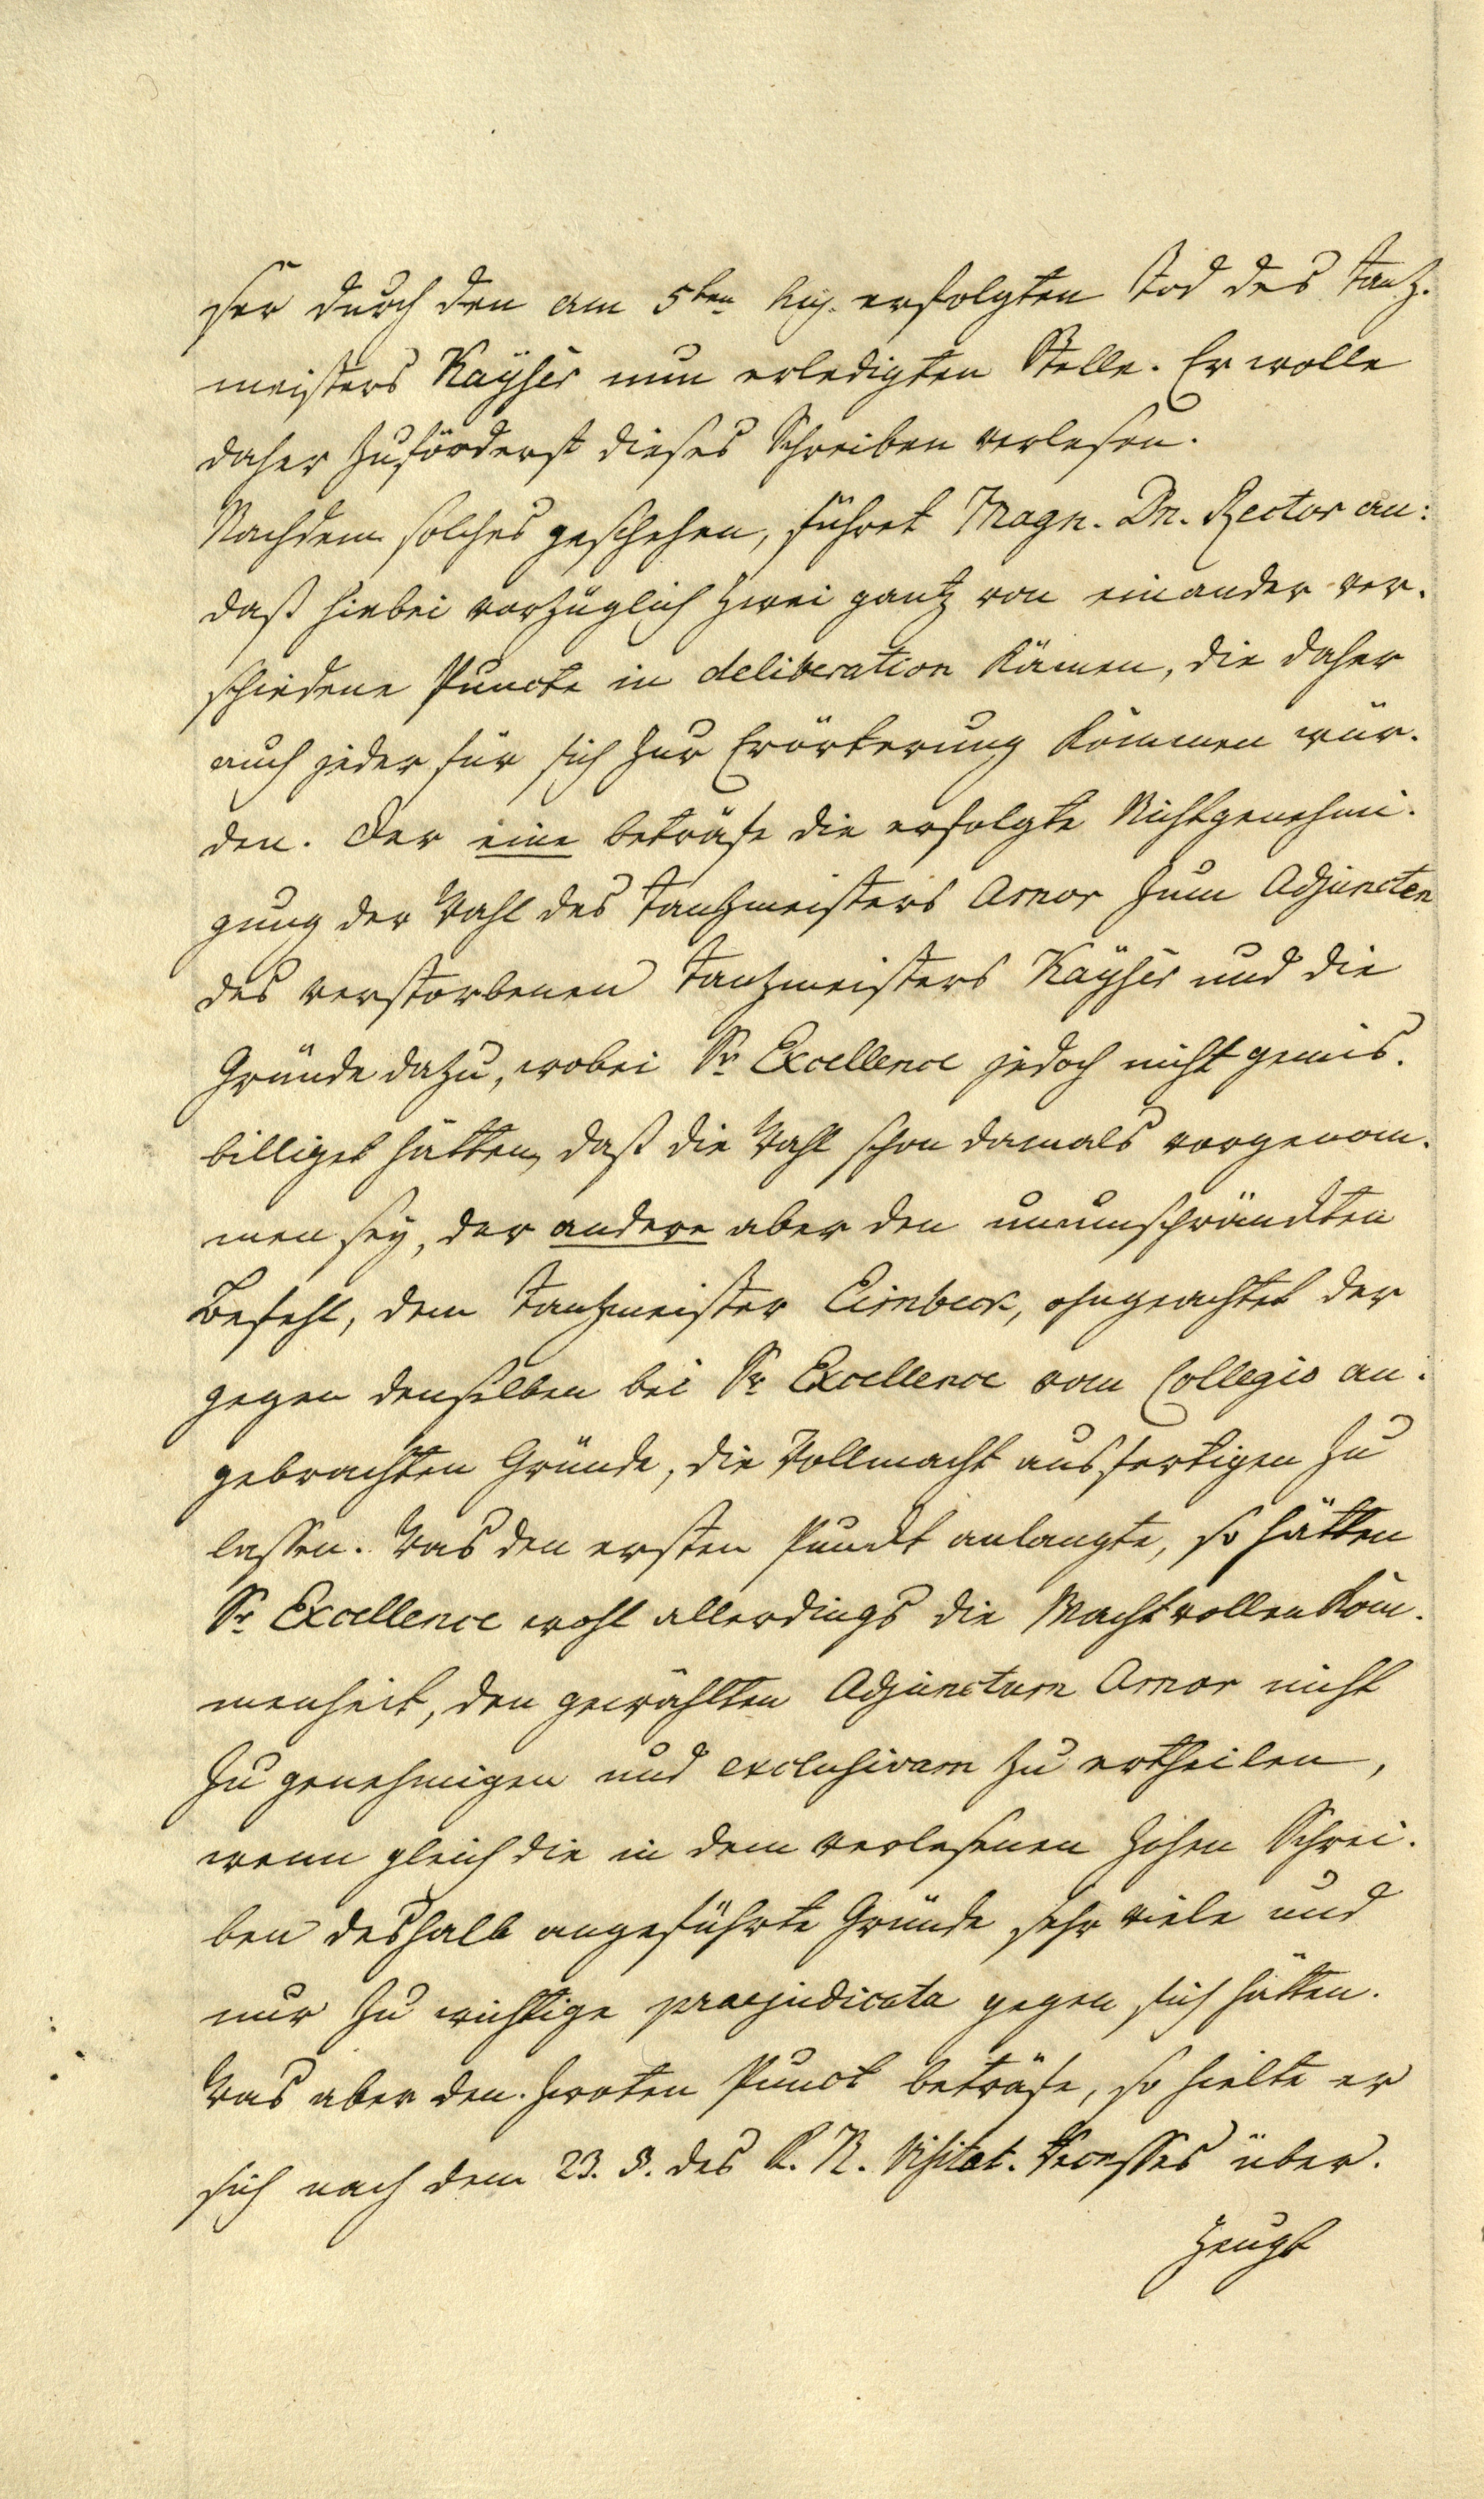ser durch den am 5 ten huj. erfolgten Tod des Tanz¬
meisters Kaÿser nun erledigten Stelle. Er wolle
daher zuförderst dieses Schreiben verlesen.
Nachdem solches geschehen, führet Magn. Dn. Rector an:
daß hiebei vorzüglich zwei gantz von einander ver¬
schiedene Puncte in deliberation kämen, die daher
auch jeder für sich zur Erörterung kommen wür¬
den. Der eine beträfe die erfolgte Nichtgenehmi¬
gung der Wahl des Tanzmeisters Amor zum Adjuncten
des verstorbenen Tanzmeisters Kayser und die
Gründe dazu, wobei Sr Excellence jedoch nicht gemis¬
billiget hätten, daß die Wahl schon damals vorgenom¬
men sey, der andere aber den unumschränckten
Befehl, dem Tanzmeister Eimbeck, ohngeachtet der
gegen denselben bei Sr Excellence vom Collegio an¬
gebrachten Gründe, die Vollmacht ausfertigen zu
lassen. Was den ersten Punckt anlangte, so hätten
Sr Excellence wohl allerdings die Machtvollenkom¬
menheit, den gewählten Adjunctum Amor nicht
zu genehmigen und exclusivam zu ertheilen,
wenn gleich die in dem verlesenen Hohen Schrei¬
ben deshalb angeführte Gründe sehr viele und
nur zu wichtige praejudicata gegen sich hätten.
Was aber den zwoten Punct beträfe, so hielte er
sich nach dem 23. §. des K. N. Visitat. Recesses über¬
zeugt